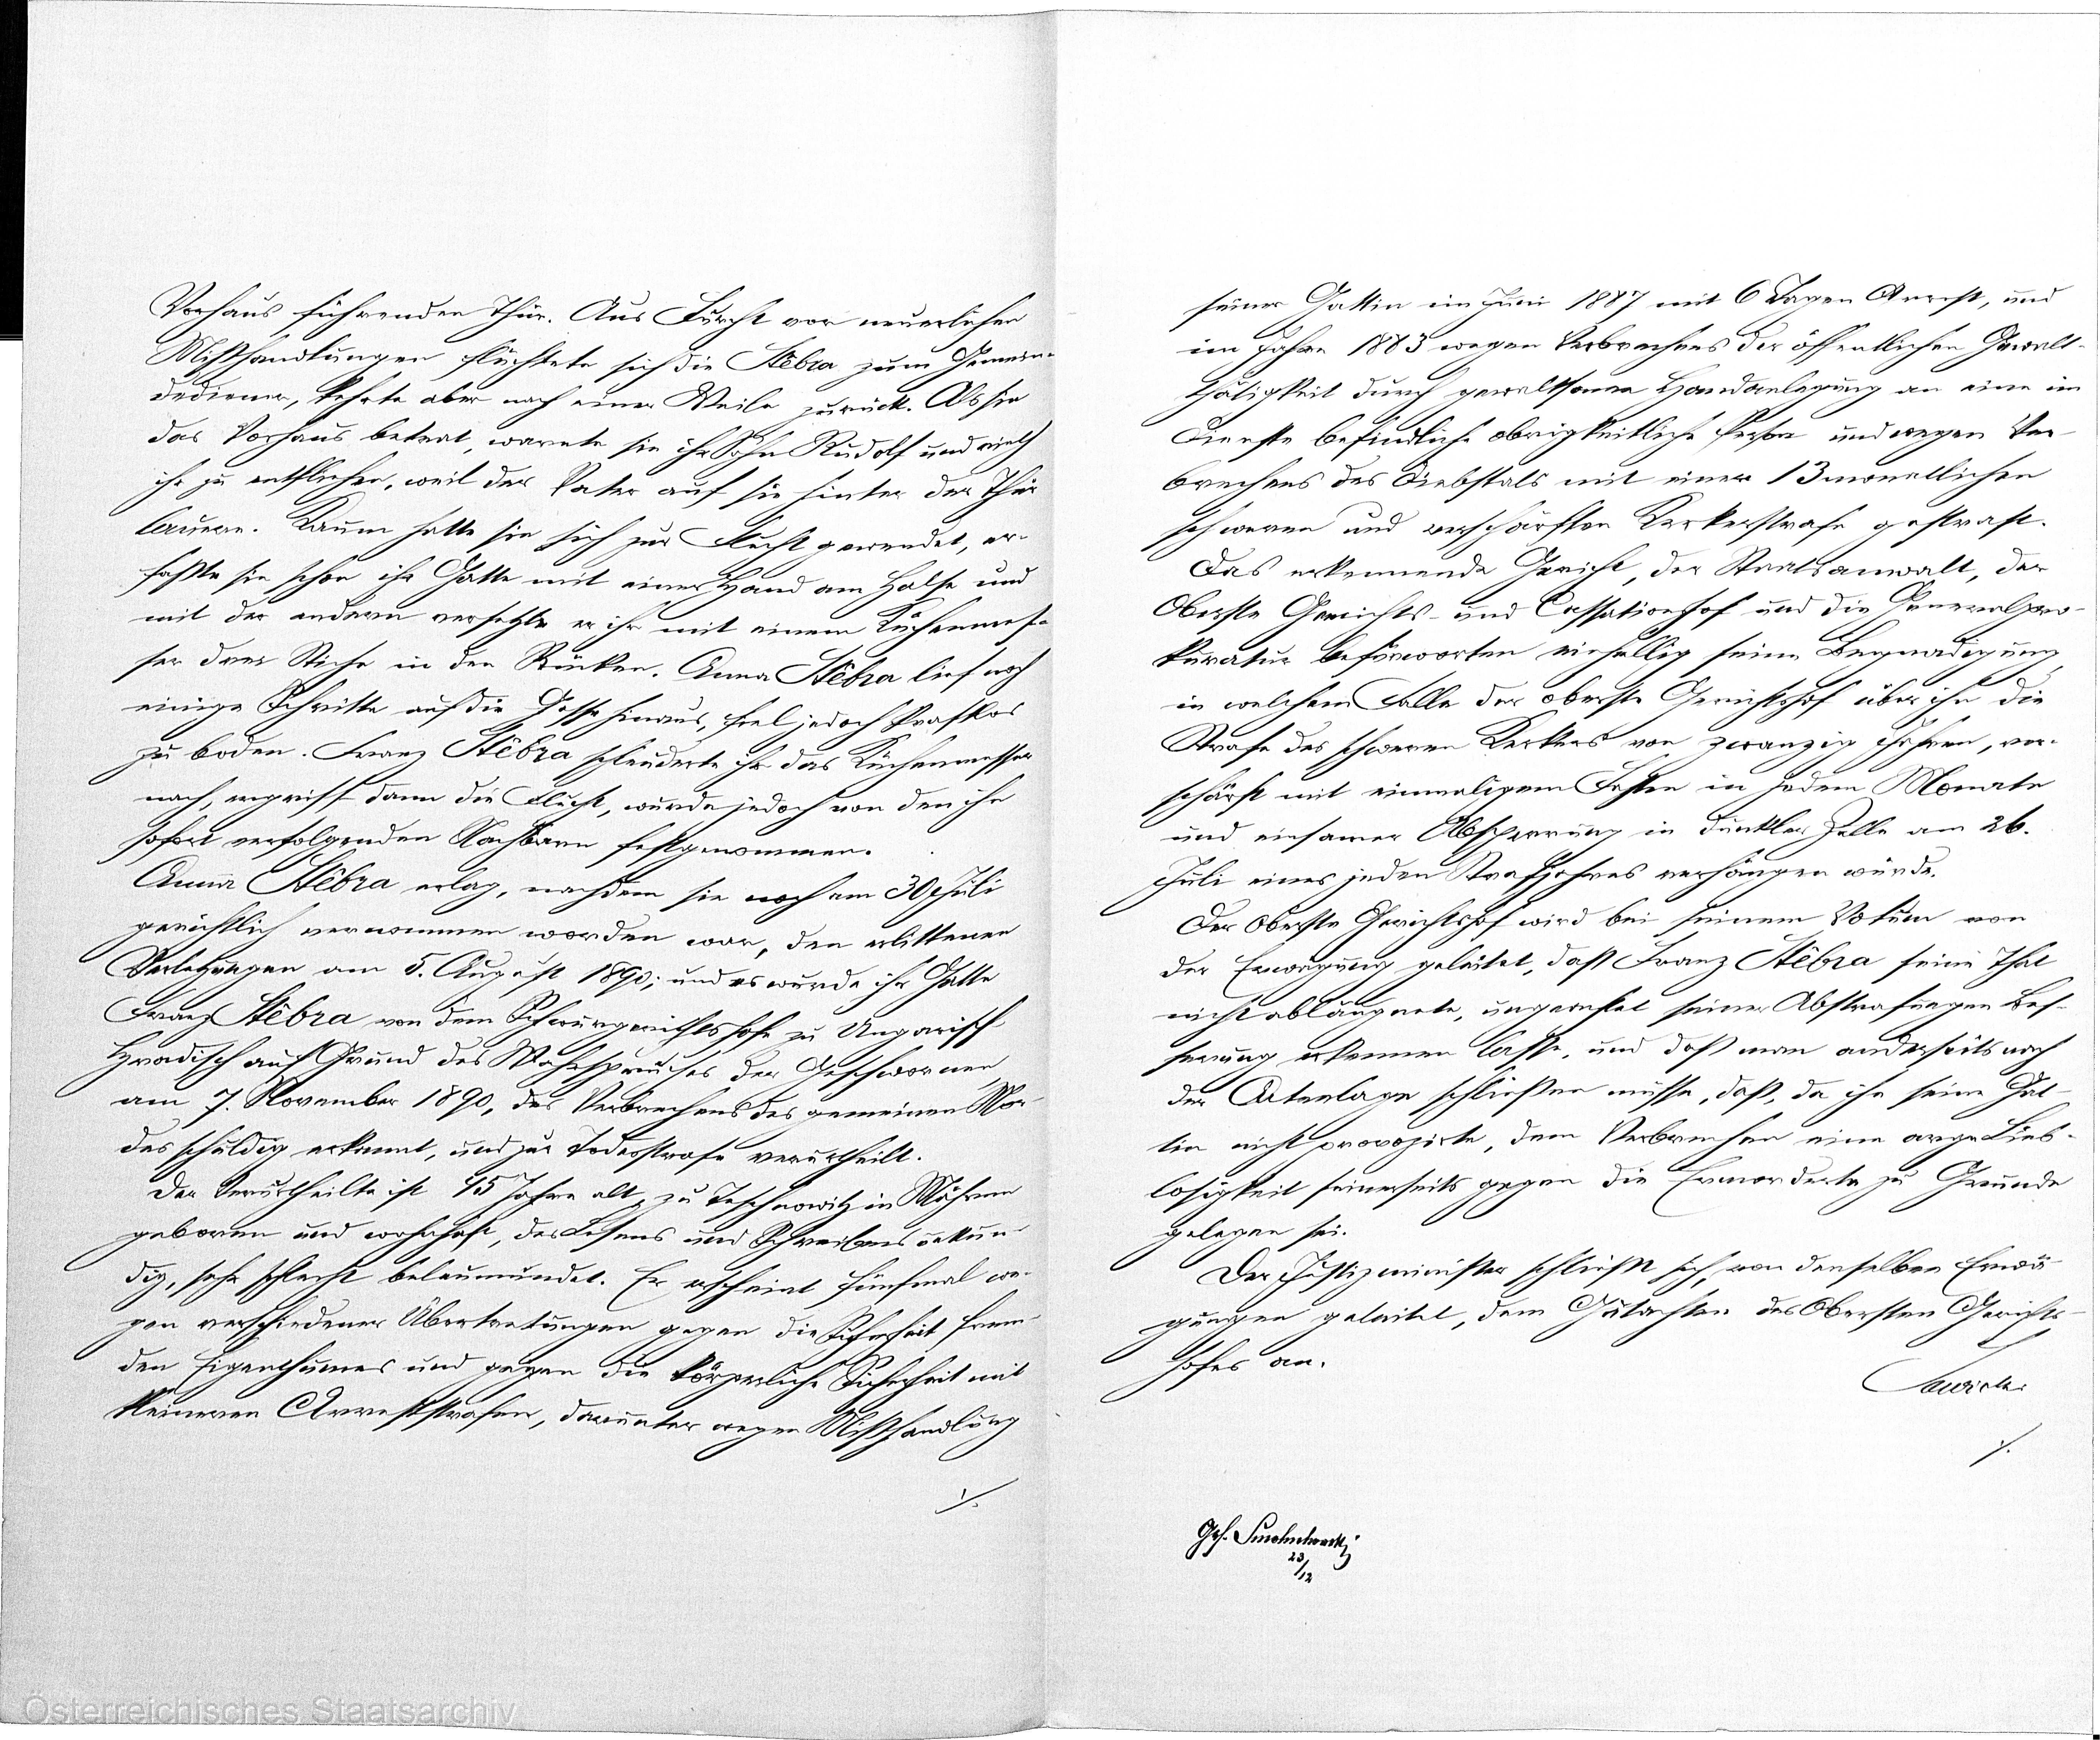Vorhaus führenden Thür. Aus Furcht vor neuerlichen
Mißhandlungen fluchtete sich die Stebra zum Gemein¬
dediener, kehrte aber nach eine Weile zurück Als sie
das Vorhaus betrat, waxxte sie ihr Sohn Rudolf und xx
ihr zu entfliehen, weil der Vater auf sie hinter der Thur
lauere. Kaum hatte sie sich zur Flucht gewendet, er¬
faßte sie schon ihr Gatte mit einer Hand am Halfe und
mit der andern versetzte er ihr mit einem Kuchenmes¬
ser drei Stiche in den Rücken. Anna Stebra lief nach
einige Schritte auf die Gasse hinaus, fiel jedoch xxaftlos
zu boden. Franz Stebra schleuderte ihr das Küchenmesser
nach, ergrift dann die Flucht, wurde jedoch von den ihn
sofort verfolgenden Nachbarn festgenommen.
Anna Stebra erlag, nachdem sie noch am 30 Juli
gerichtlich vernommen worden war, den erlittenen
Verletzungen am 5. August 1890; und es wurde ihr Gatte
Franz Stebra von dem Schwurgerichtshofe zu Ungarisch
Gradisch auf Grund des Wahrspruches der Geschwornen,
am 7. November 1890, des Verbrechens des gemeinen Mor¬
des schuldig erkannt, und zur Todesstrafe verurtheilt.
Der Verurtheilte ist 45 Jahre alt, zu Teschnowitz in Während
geboren und wohnhaft, des Lesens und Schreibers xxkun¬
dig, sehr schlecht beleumundet. Er erscheint fünfmal we¬
gen verschiedener Übertretungen gegen die Sicherheit frem¬
den Eigenthumes und gegen die körperliche Sicherheit mit
keineren Arreststrafen, darunter wegen Mißhandlung
seiner Gattin ein Juni 1887 mit 6 Tagen Arrest, und
im Jahre 1883 wegen Verbrechens der öffentlichen Gewalt¬
thätigkeit durch gewaltsxx Handanlegung an eine im
Dienste befindliche obrigkeitliche Person und wegen Ver¬
brechens des Diebstals mit einer 13 monatlichen
schweren und verschärften Kerkerstrafe gestraft.
Das erkennende Gericht, der Staatsanwalt, der
Oberste Gerichts- und Cassationshof und die Generalpro¬
kuratur befürworten einhellig seine Begnadigung,
in welchem Falle der oberste Gerichtshof über ihn die
Strafe des schweren Kerkers von zwanzig Jahren, vor¬
schärft mit einmaligem Fasten in jedem Monate
und einsamer Absperrung in dunkler Zelle am 26.
Juli eines jeden Strafjahres verhängen würde.
Der Oberste Gerichtshof wird bei seinem Votum von
der Erwägung geleitet, daß Franz Stebra seine That
nicht abläugnete, ungarnstet seiner Abstraffungen Bes¬
serung erkennen lasse, und daß man anderseits nach
der xxtenlage schließen musse, daß, da ihn seine Gat¬
tin nicht provozirte, dem Verbrechen eine arge Lieb¬
losigkeit seinerseits gegen die Ermorderte zu Grunde
gelegen sei.
Der Justizminister schließt sich, von denselben Erwä¬
gungen geleitet, dem Gutachten des Obersten Gerichts¬
hofes an.
Sawicki
Ges. Smolnchowcki
23/12